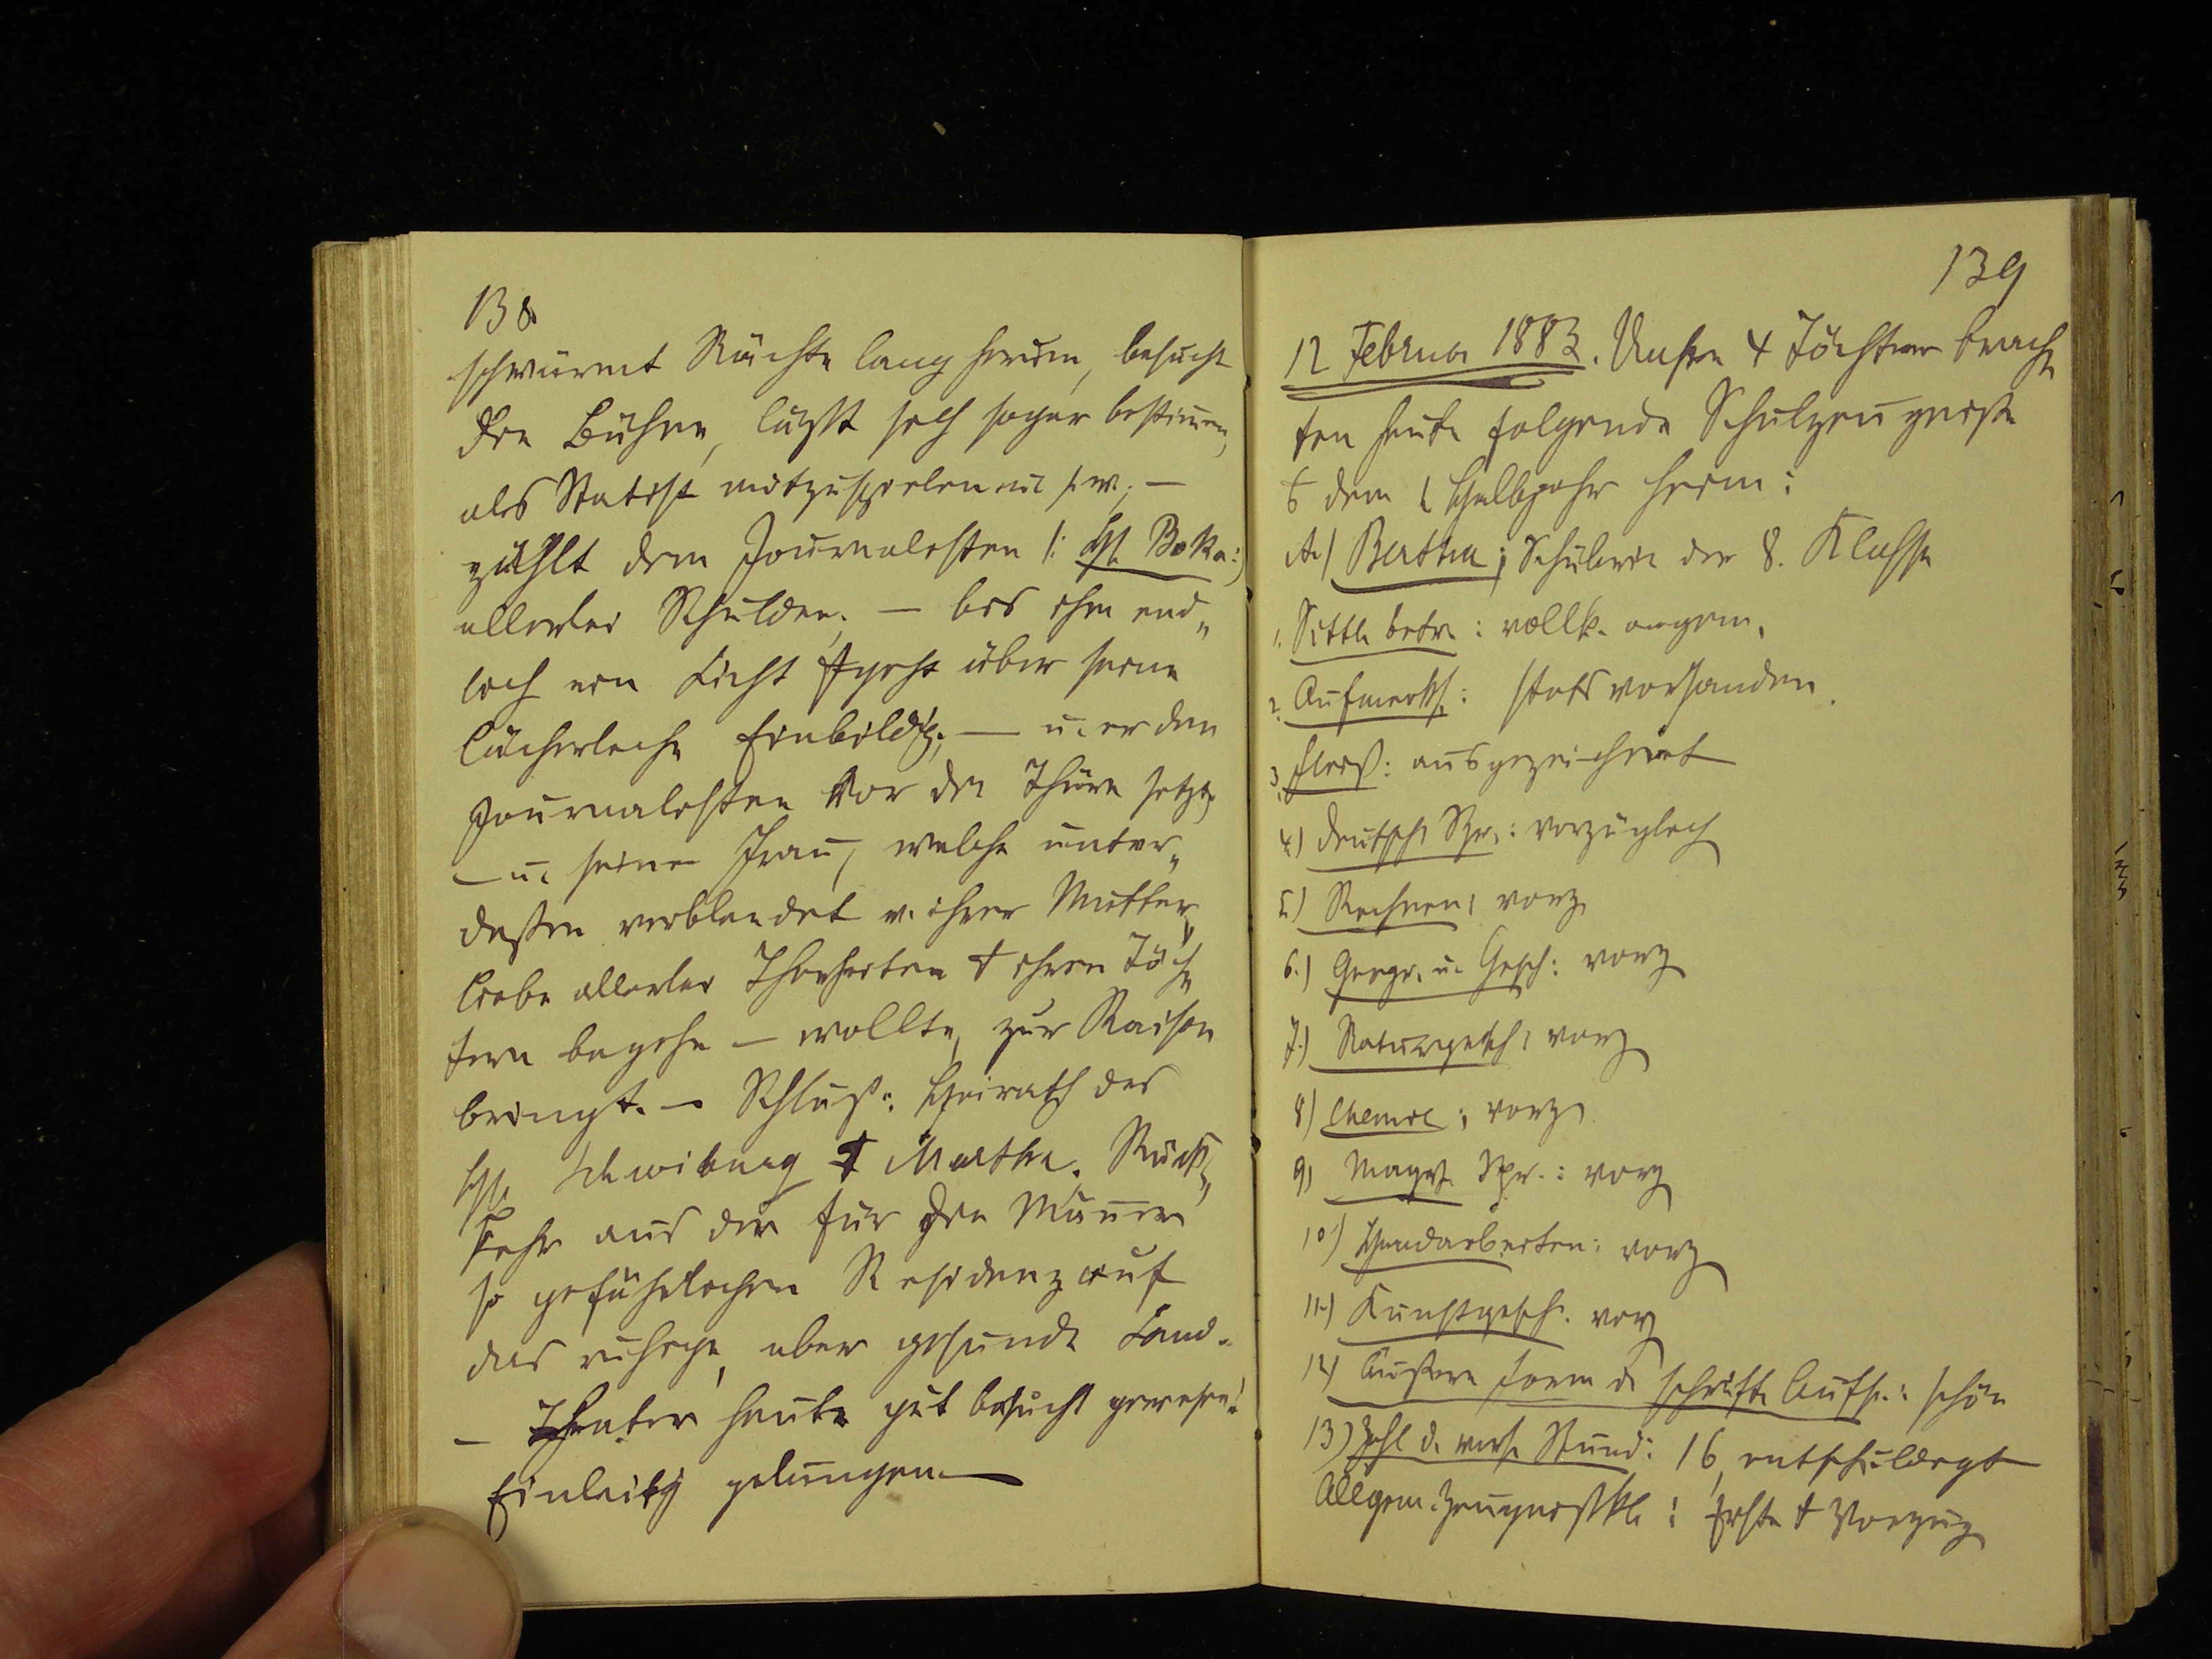138
schwärmt Nächte lang herden, besucht
die Bühne, läßt sich sogar ?bestimmen
als Statist mitzuspielen u.s.w.
zahlt dem Journalisten ( :H. Boka: )
allerlei Schulden.- bis ihm end¬
lich ein Licht aufgeht über seine
lächerlich Einbildung.- und er den
Journalisten vor die Thüre setzte,
- und seine Frau, welche unter¬
deßen verblendet von ihrer Mutter¬
liebe allerlei Thorheiten mit Ihrer Töch¬
tern begehe –wollte,- zur Raison
bringt.- Schluß: Heirat des
H. Schwiburg mit Martha. Rück¬
kehr aus der für die Männer
so gefährlichen Residenz auf das
ruhige, aber gesunde Land.
---Theater heute gut besucht gewesen!-
Einleitung gelungen___
139
13. Februar 1883. Unsere 4 Töchter brach-
ten heute folgende Schulzeugniße
aus dem 1-ten Halbjahr heim:
A ) Bertha. Schülerin der 8. Klasse.
1. Sittl. Betr. : vollk. angem.
2. Aufmerks. : stets vorhanden
3. Fleiß: ausgezeichnet
4. Deutsche Spr. vorzüglich
5. Rechnen.: vorzüglich
6.: Geogr. und Geschichte. vorzüglich
7. Naturgech.: vorzüglich
8. Chemie: vorzüglich
9.: Magyar. Spr. vorzüglich
10. Handarbeiten: vorzüglich
11. Kunstgesch.: vorzüglich
12. Äußere Form der schriftl. Aufs.: schön
13. Zahl der vers.: Stunden: 16, entschuldigt
Allgemeine Zeugniskl.... : Erste mit Vorzüglich